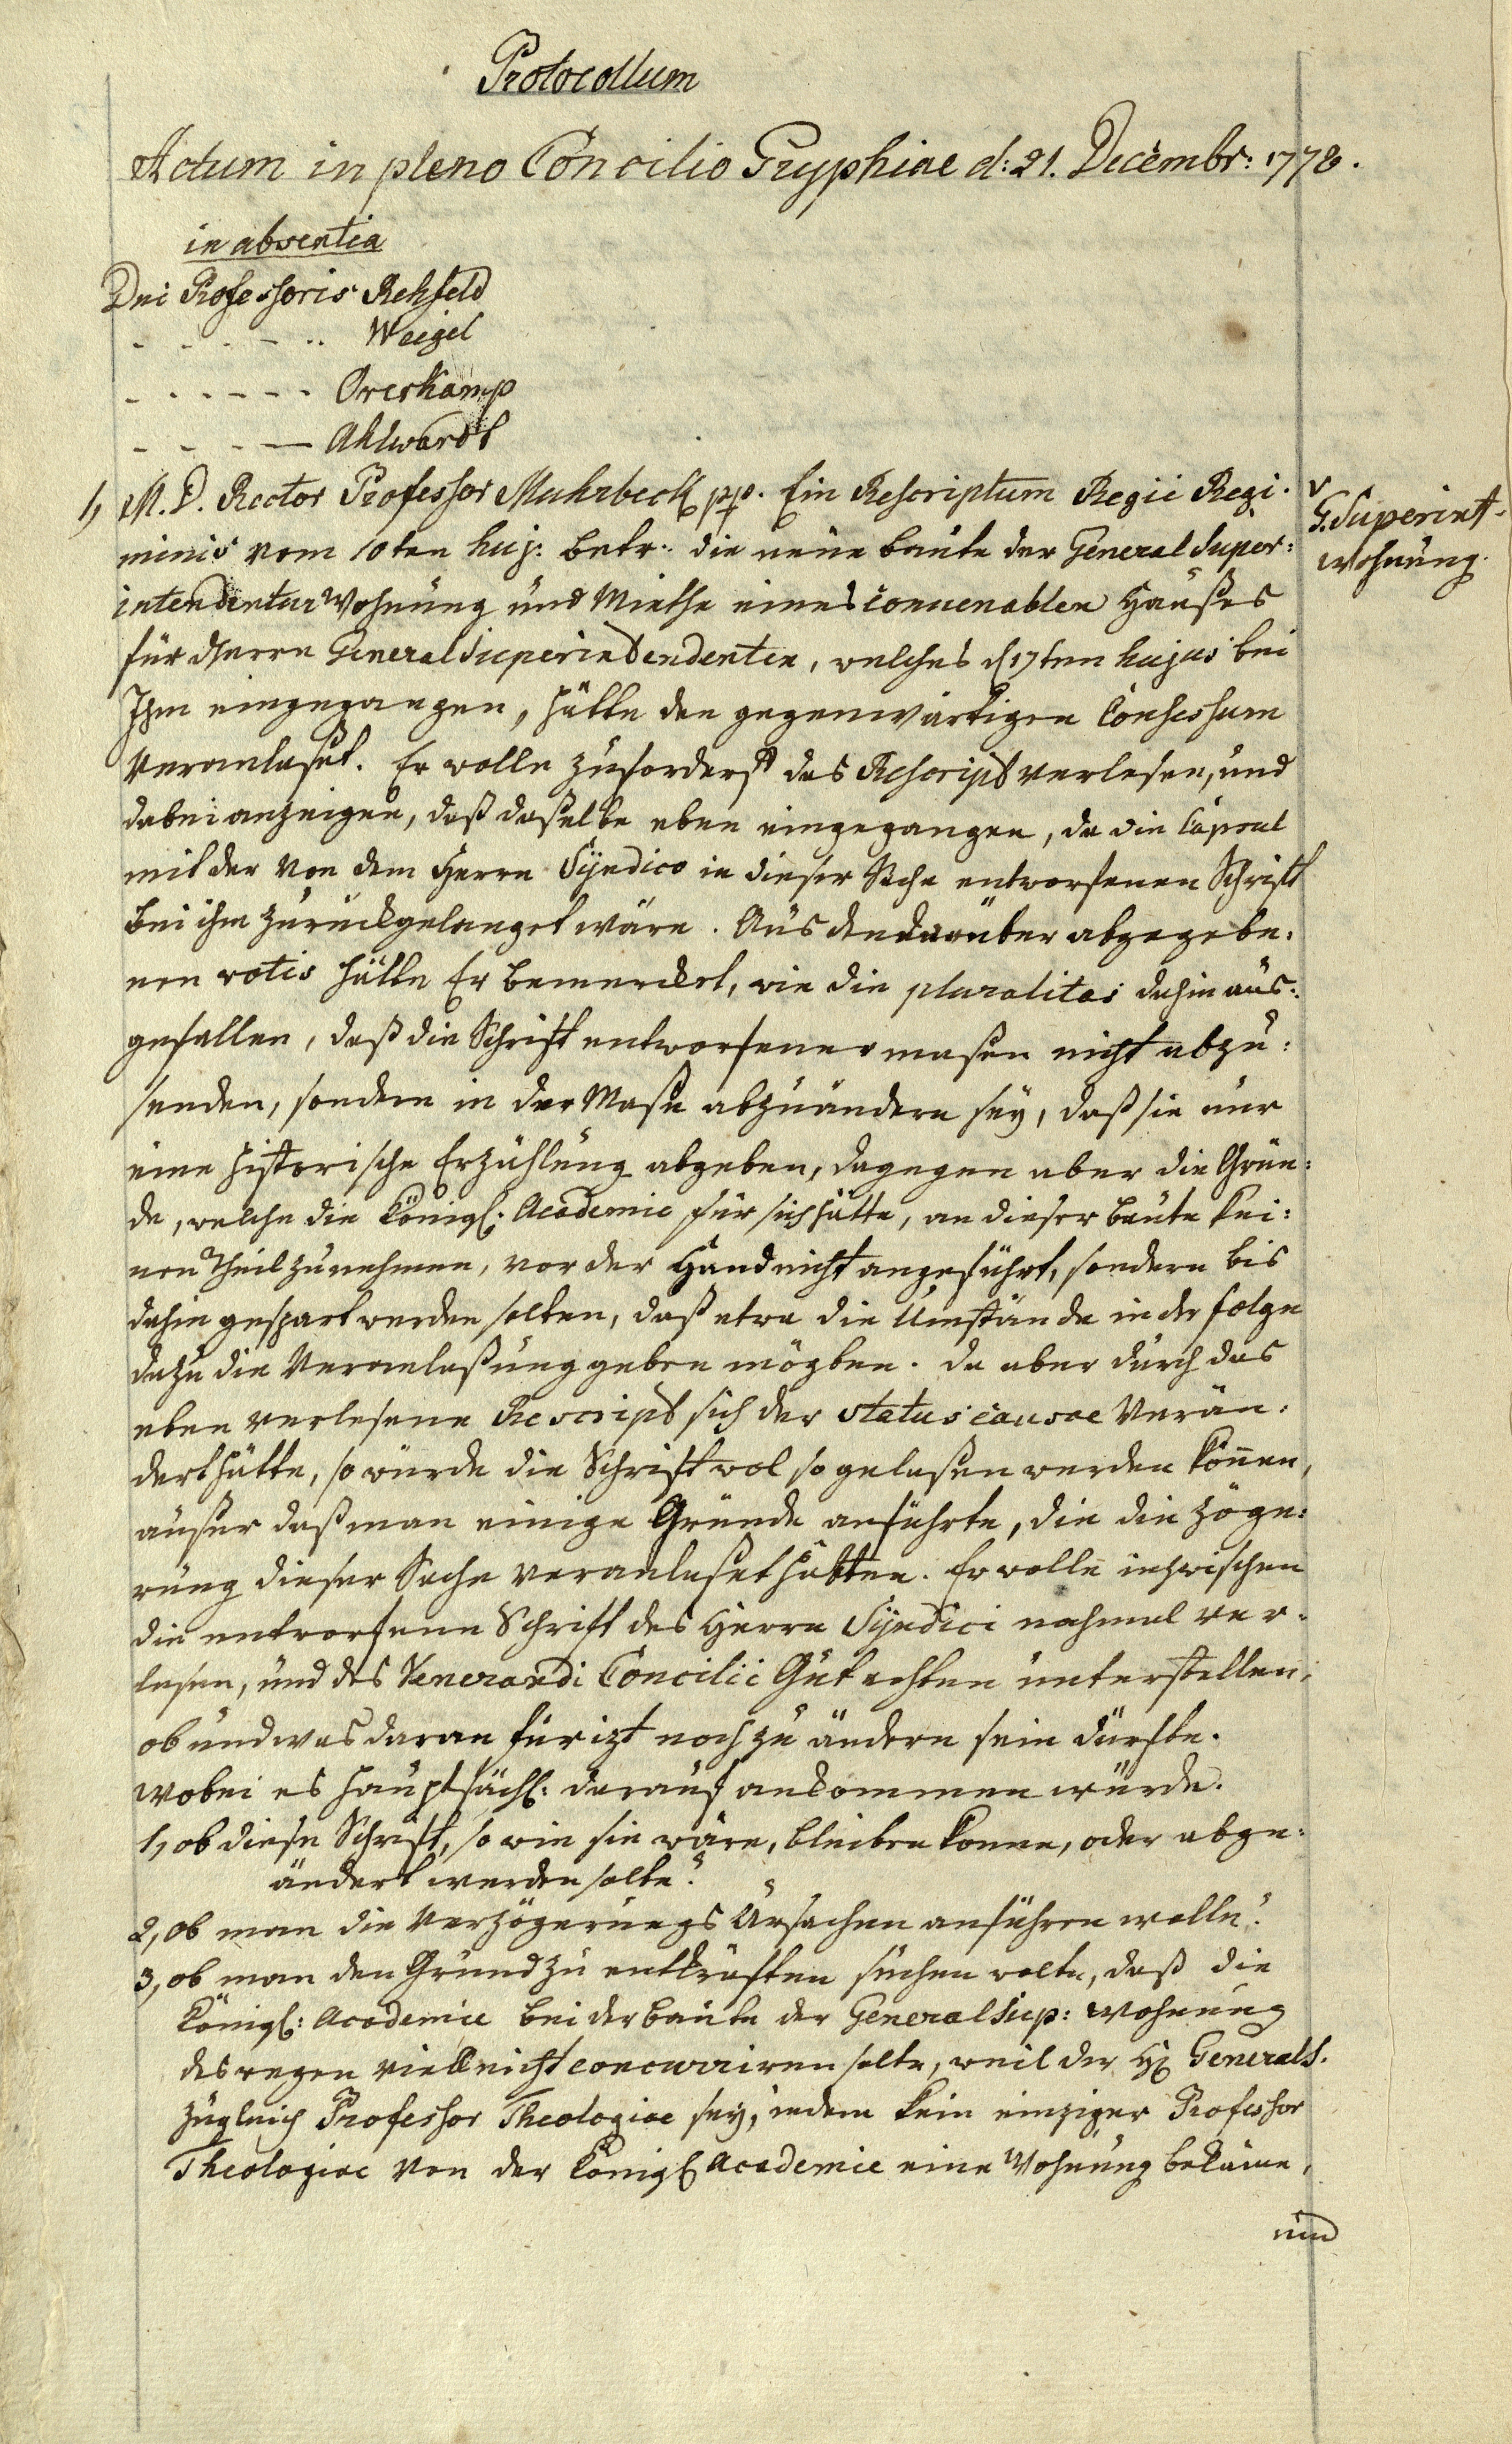Protocollum
Actum in pleno Concilio Gryphiae d. 21. Decembr. 1778.
in absentia
Dn Professoris Rehfeld
Weigel
Overkamp
Ahlwardt
1, M. D. Rector Professor Muhrbeck pp. Ein Rescriptum Regii Re¬
giminis vom 10. huj. betr. die eine Baute der General Super¬
intendentur Wohnung und Miethe eines convenablen Hauses
für dherrn GeneralSuperintendenten, welches d. 17 ten hujus bei
Ihm eingegangen, hätte den gegenwärtigen Consessum
veranlaßet. Er wolle zuforderst das Rescript verlesen, und
dabei anzeigen, daß daßelbe eben eingegangen, da die Capsul
mit der von dem Herrn Sÿndico in dieser Sache entworfenen Schrift
bei ihm zurückgelanget wäre. Aus den darüber abgegebe¬
nen votis hätte Er bemercket, wie die pluralitas dahin aus¬
gefallen, daß die Schrift entworfenermaßen nicht abzu¬
senden, sondern in der Maße abzuändern seÿ, daß sie nur
eine historische Erzählung abgeben, dagegen aber die Grün¬
de, welche die Königl. Academie für sich hätte, an dieser Baute kei¬
nen Theil zu nehmen, vor der Hand nicht angeführt, sondern bis
dahin gespart werden solten, daß etwa die Umstände in der Folge
dazu die Veranlaßung geben mögten. Da aber durch das
eben verlesene Rescript sich der status causae verän¬
dert hätte, so würde die Schrift wohl so gelesen werden könen,
außer daß man einige Gründe anführte, die die Zöge¬
rung dieser Sache veranlaßet hätten. Er wolle inzwischen
die entworfene Schrift des Herrn Sÿndici nochmal ver¬
lesen, und des Venerandi Concilii Gutachten unterstellen,
ob und was daran für izt noch zu ändern sein dürfte.
Wobei es hauptsächl. darauf ankommen würde,
1, ob diese Schrift, so wie sie wäre, bleiben könne, oder abge¬
ändert werden solte?
2, ob man die Verzögerungs Ursachen anführen wolle?
3, ob man den Grund zu entkräften suchen wolte, daß die
Königl. Academie bei der Baute der GeneralSup. Wohnung
deswegen vielleicht concurriren solte, weil dh. GeneralS.
zugleich Professor Theologiae seÿ, indem kein einziger Professor
Theologiae von der Königl. Academie eine Wohnung bekäme,
und